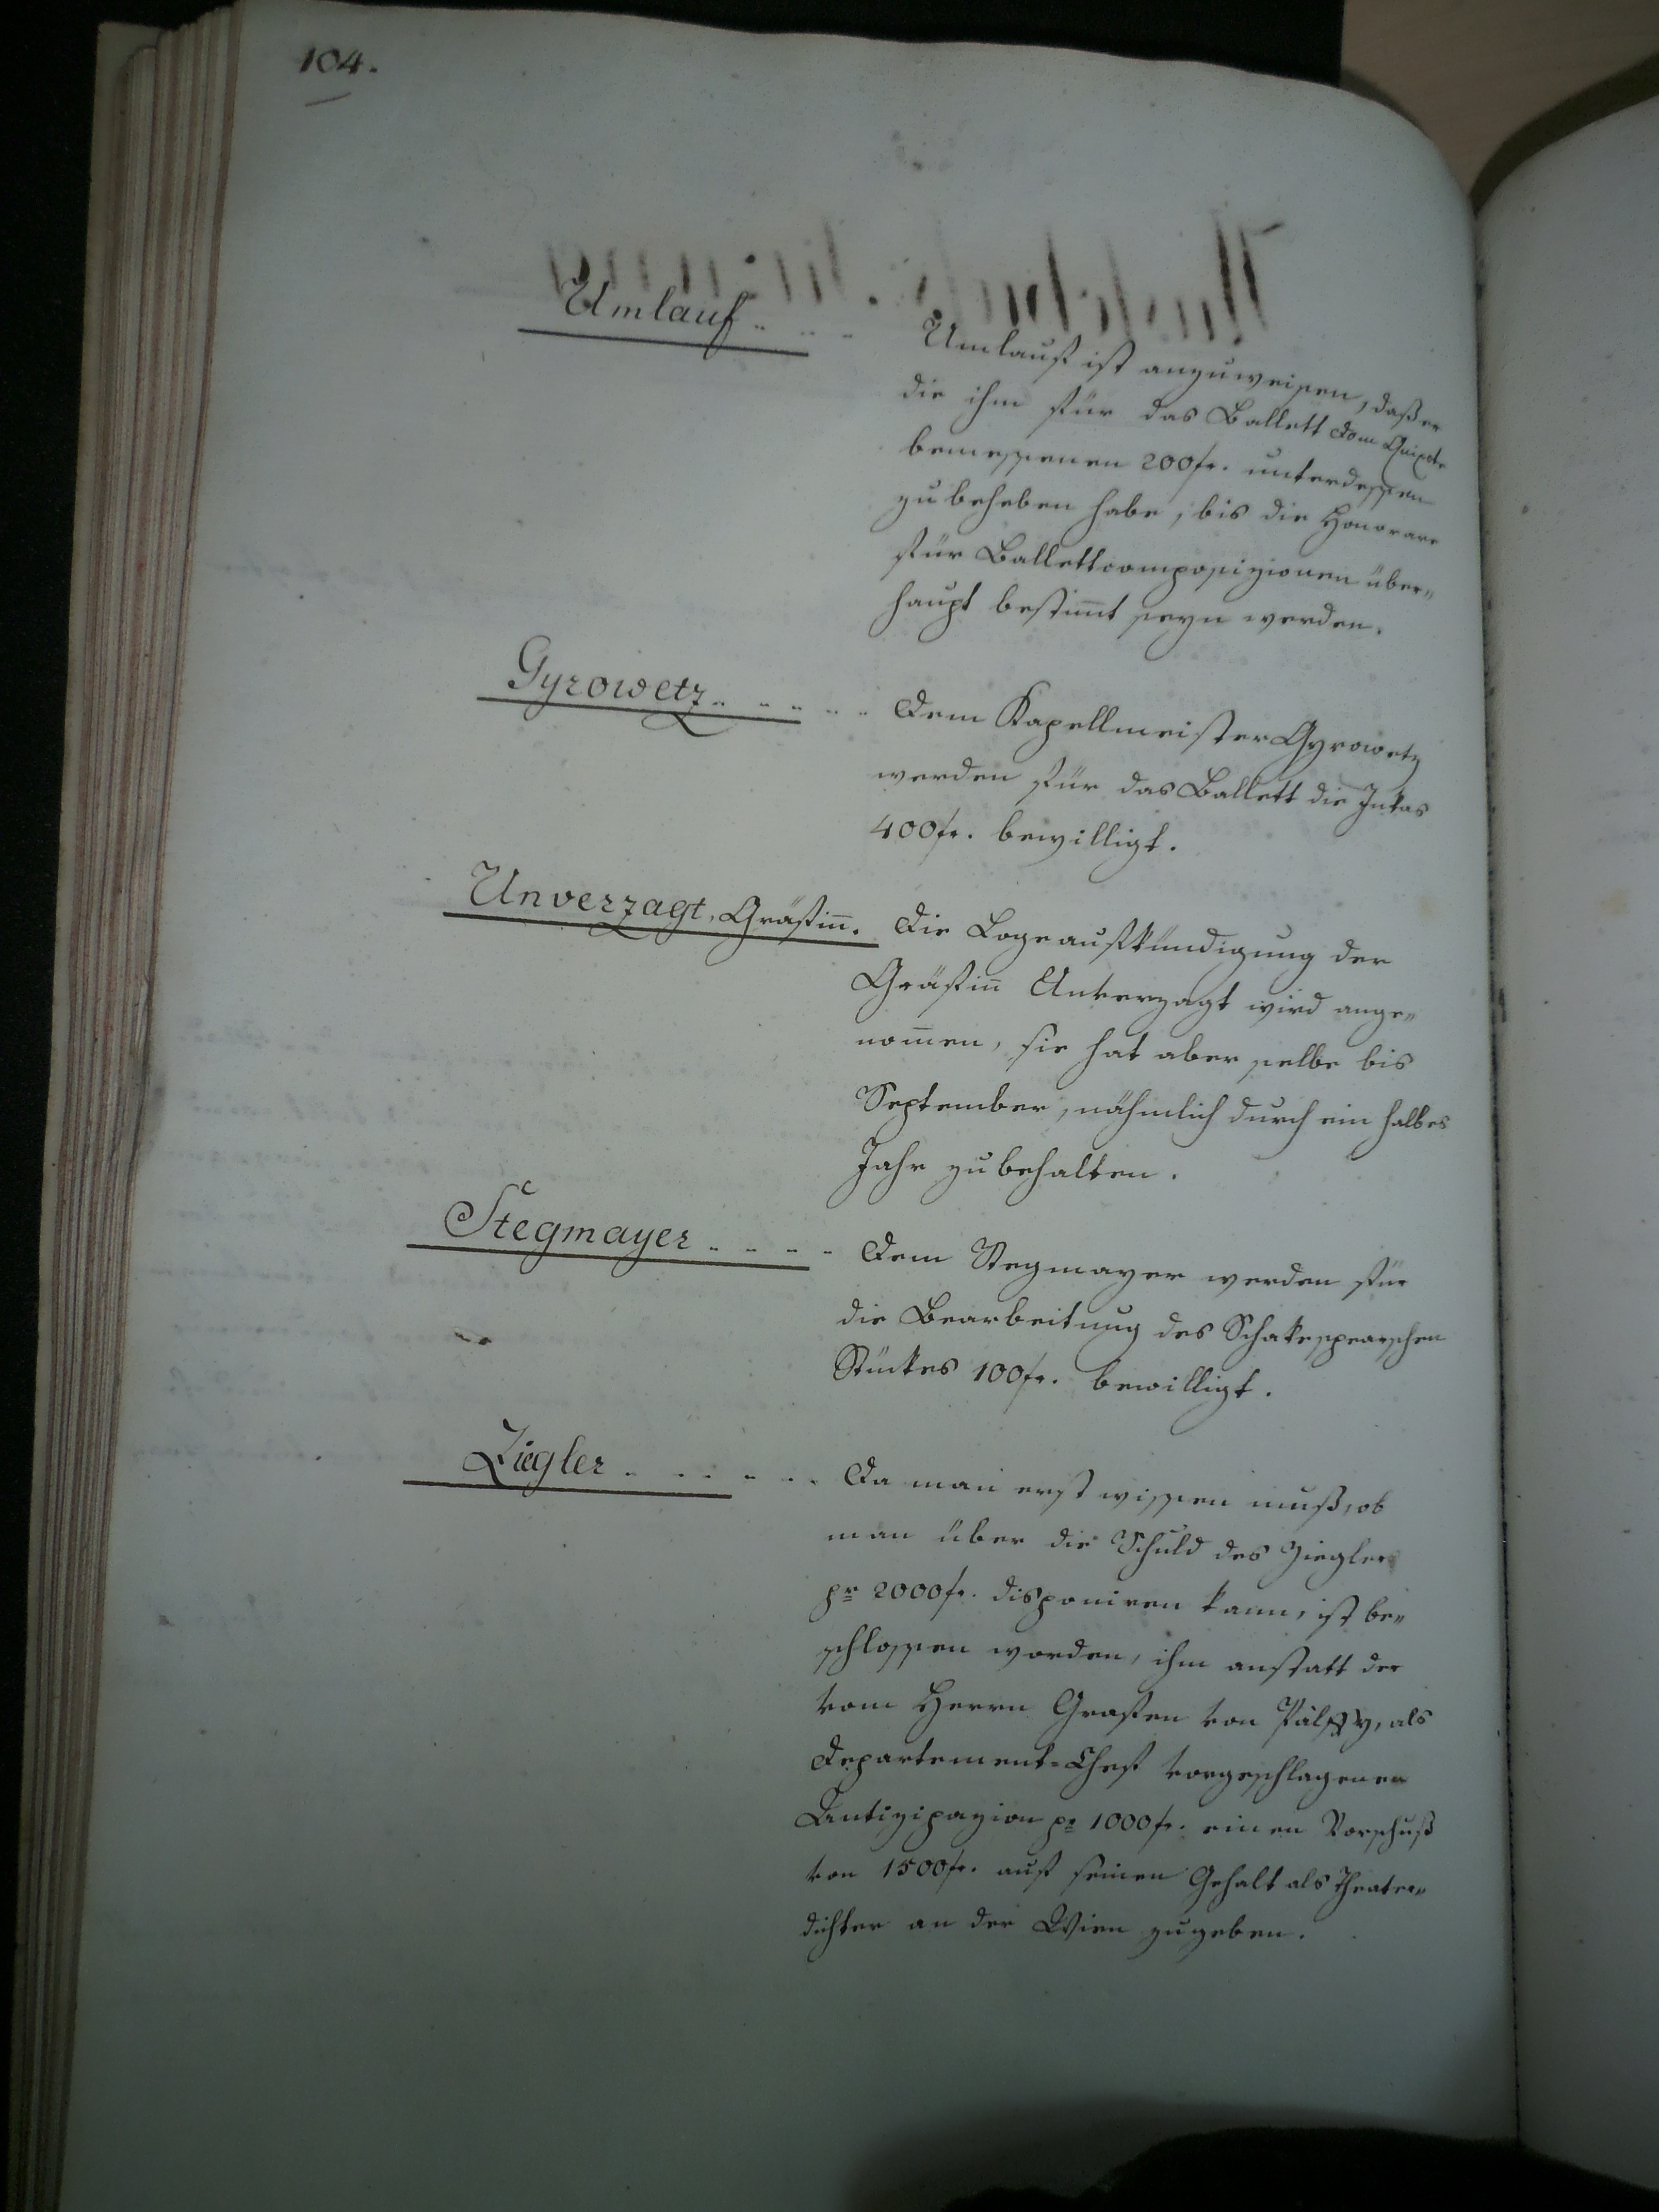104.
Umlauf .. .. .. Umlauf ist anzuweisen, daß er
die ihm für das Ballett Don Quixote
bemessenen 200fr. unterdessen
zu beheben habe, bis die Honorare
für Ballettcomposizionen über¬
haupt bestim̅t seyn werden.
Gyrowetz .. .. .. Dem Kapellmeister Gyrowetz
werden für das Ballett die Inkas
400fr. bewilligt.
Unverzagt, Grafin̅. Die Logeaufkündigung der
Grafin Unverzagt wird ange¬
nom̅en, sie hat aber selbe bis
September, nähmlich durch ein halbes
Jahr zu behalten.
Stegmayer .. .. .. .. Dem Stegmayer werden für
die Bearbeitung des Schakespearschen
Stückes 100fr. bewilligt.
Ziegler .. . . .. . . Da man erst wissen muß, ob
man über die Schuld des Ziegler
pr͇ 2000fr. disponiren kann, ist be¬
schlossen worden, ihm anstatt der
vom Herrn Grafen von Pàlffy, als
Departement=Chef vorgeschlagenen
Antizipazion pr͇ 1000fr. einen Vorschuß
von 1500fr. auf seinen Gehalt als Teater¬
dichter an der Wien zugeben.